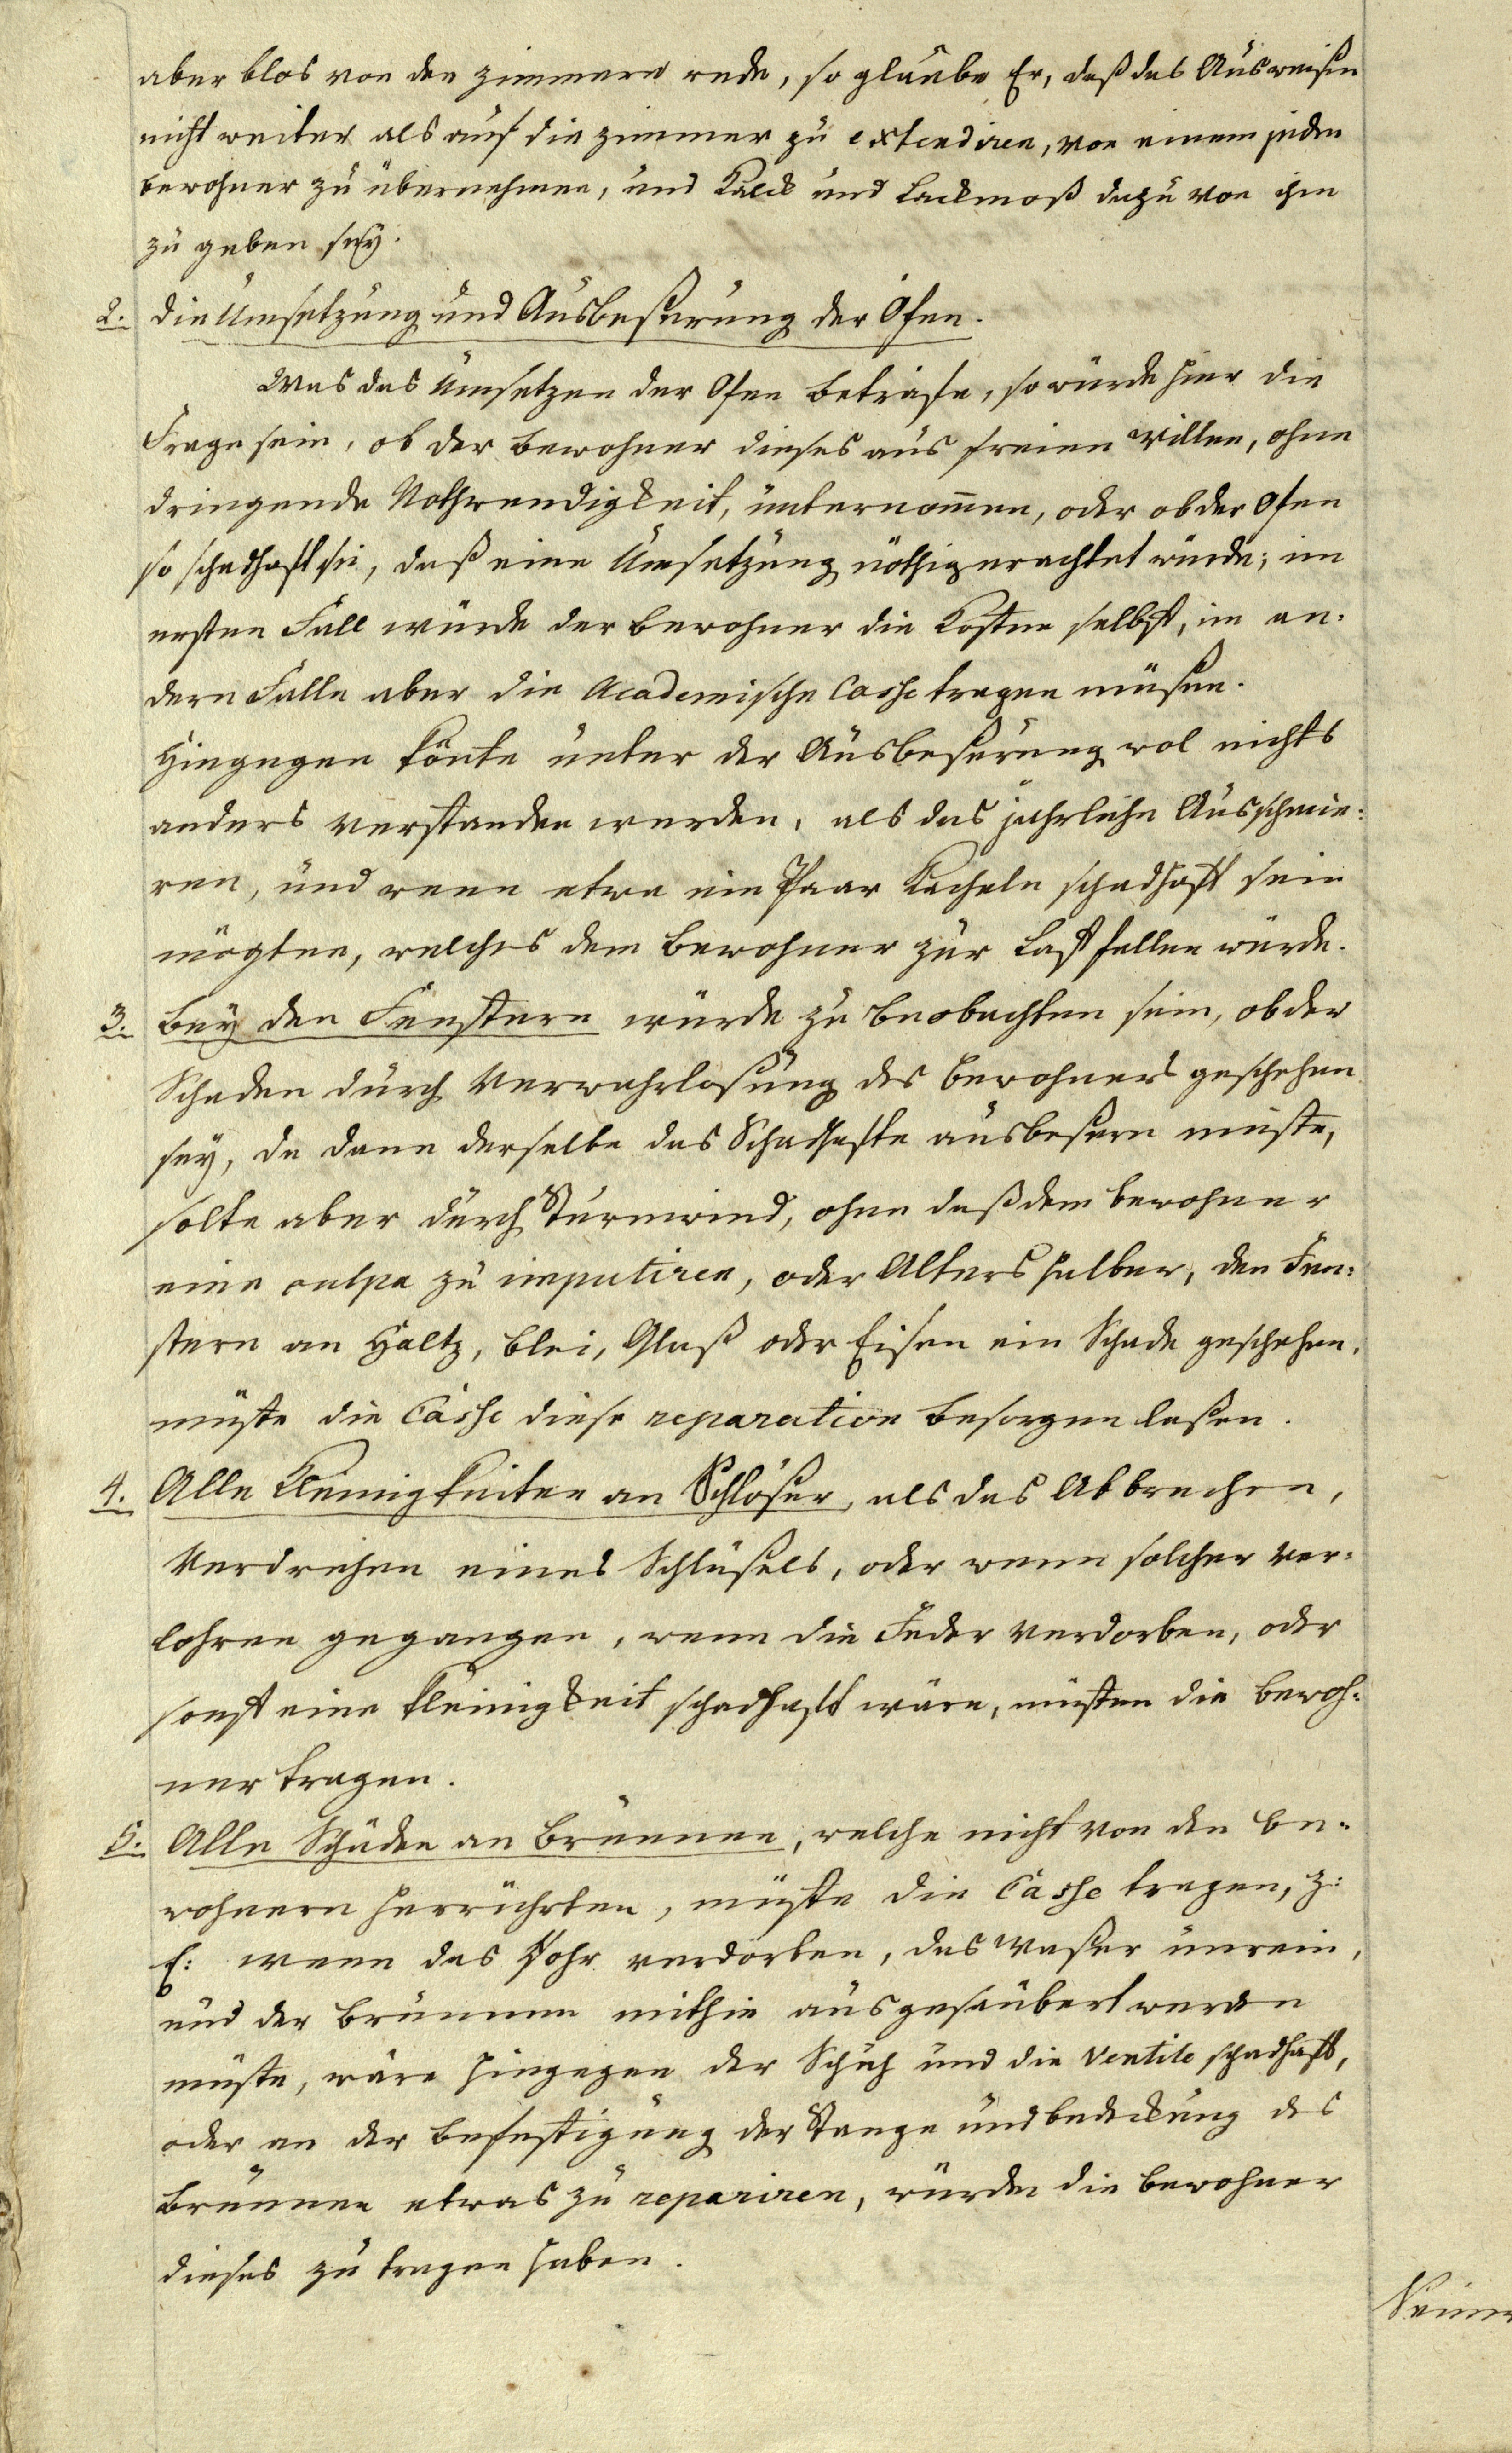aber blos von den Zimmern rede, so glaube Er, daß das Ausweißen
nicht weiter als auf die Zimmer zu extendiren, von einem jeden
Bewohner zu übernehmen, und Kalck und Lackmoß dazu von ihm
zu geben seÿ.
2. die Umsetzung und Ausbeßerung der Öfen
Was das Umsetzen der Ofen beträfe, so würde hier die
Frage sein, ob der Bewohner dieses aus freien Willen, ohne
dringende Nothwendigkeit, unternomen, oder ob der Ofen
so schadhaft sei, daß eine Umsetzung nöthig erachtet würde; im
ersten Fall würde der Bewohner die Kosten selbst, im an¬
dern Falle aber die Academische Casse tragen müßen.
Hingegen könte unter der Ausbeßerung wol nichts
anders verstanden werden, als das jährliche Ausschmie¬
ren, und wenn etwa ein Paar Kacheln schadhaft sein
mögten, welches dem Bewohner zur Last fallen würde.
3. Beÿ den Fenstern würde zu beobachten sein, ob der
Schaden durch Verwahrlosung des Bewohners geschehen
seÿ, da dann derselbe das Schadhafte ausbeßern müste,
solte aber durch Sturmwind, ohn daß dem Bewohner
eine culpa zu imputiren, oder Alters halber, den Fen¬
stern an Holtz, Blei, Glaß oder Eisen ein Schade geschehen,
müste die Casse diese reparation besorgen laßen.
4. Alle Kleinigkeiten an Schlößer, als das Abbrechen,
Verdrehen eines Schlüßels, oder wenn solcher ver¬
lohren gegangen, wenn die Feder verdorben, oder
sonst eine Kleinigkeit schadhaft wäre, müsten die Bewoh¬
ner tragen.
5. Alle Schäden an Brunnen, welche nicht von den Be¬
wohnern herrührten, müste die Casse tragen, z.
E. wenn das Rohr verdorben, das Wasser unrein,
und der Brunnen mithin ausgesäubert werden
müste, wäre hingegen der Schuh und die Ventile schadhaft,
oder an der Befestigung der Stange und Bedeckung des
Brunnen etwas zu repariren, würden die Bewohner
dieses zu tragen haben.